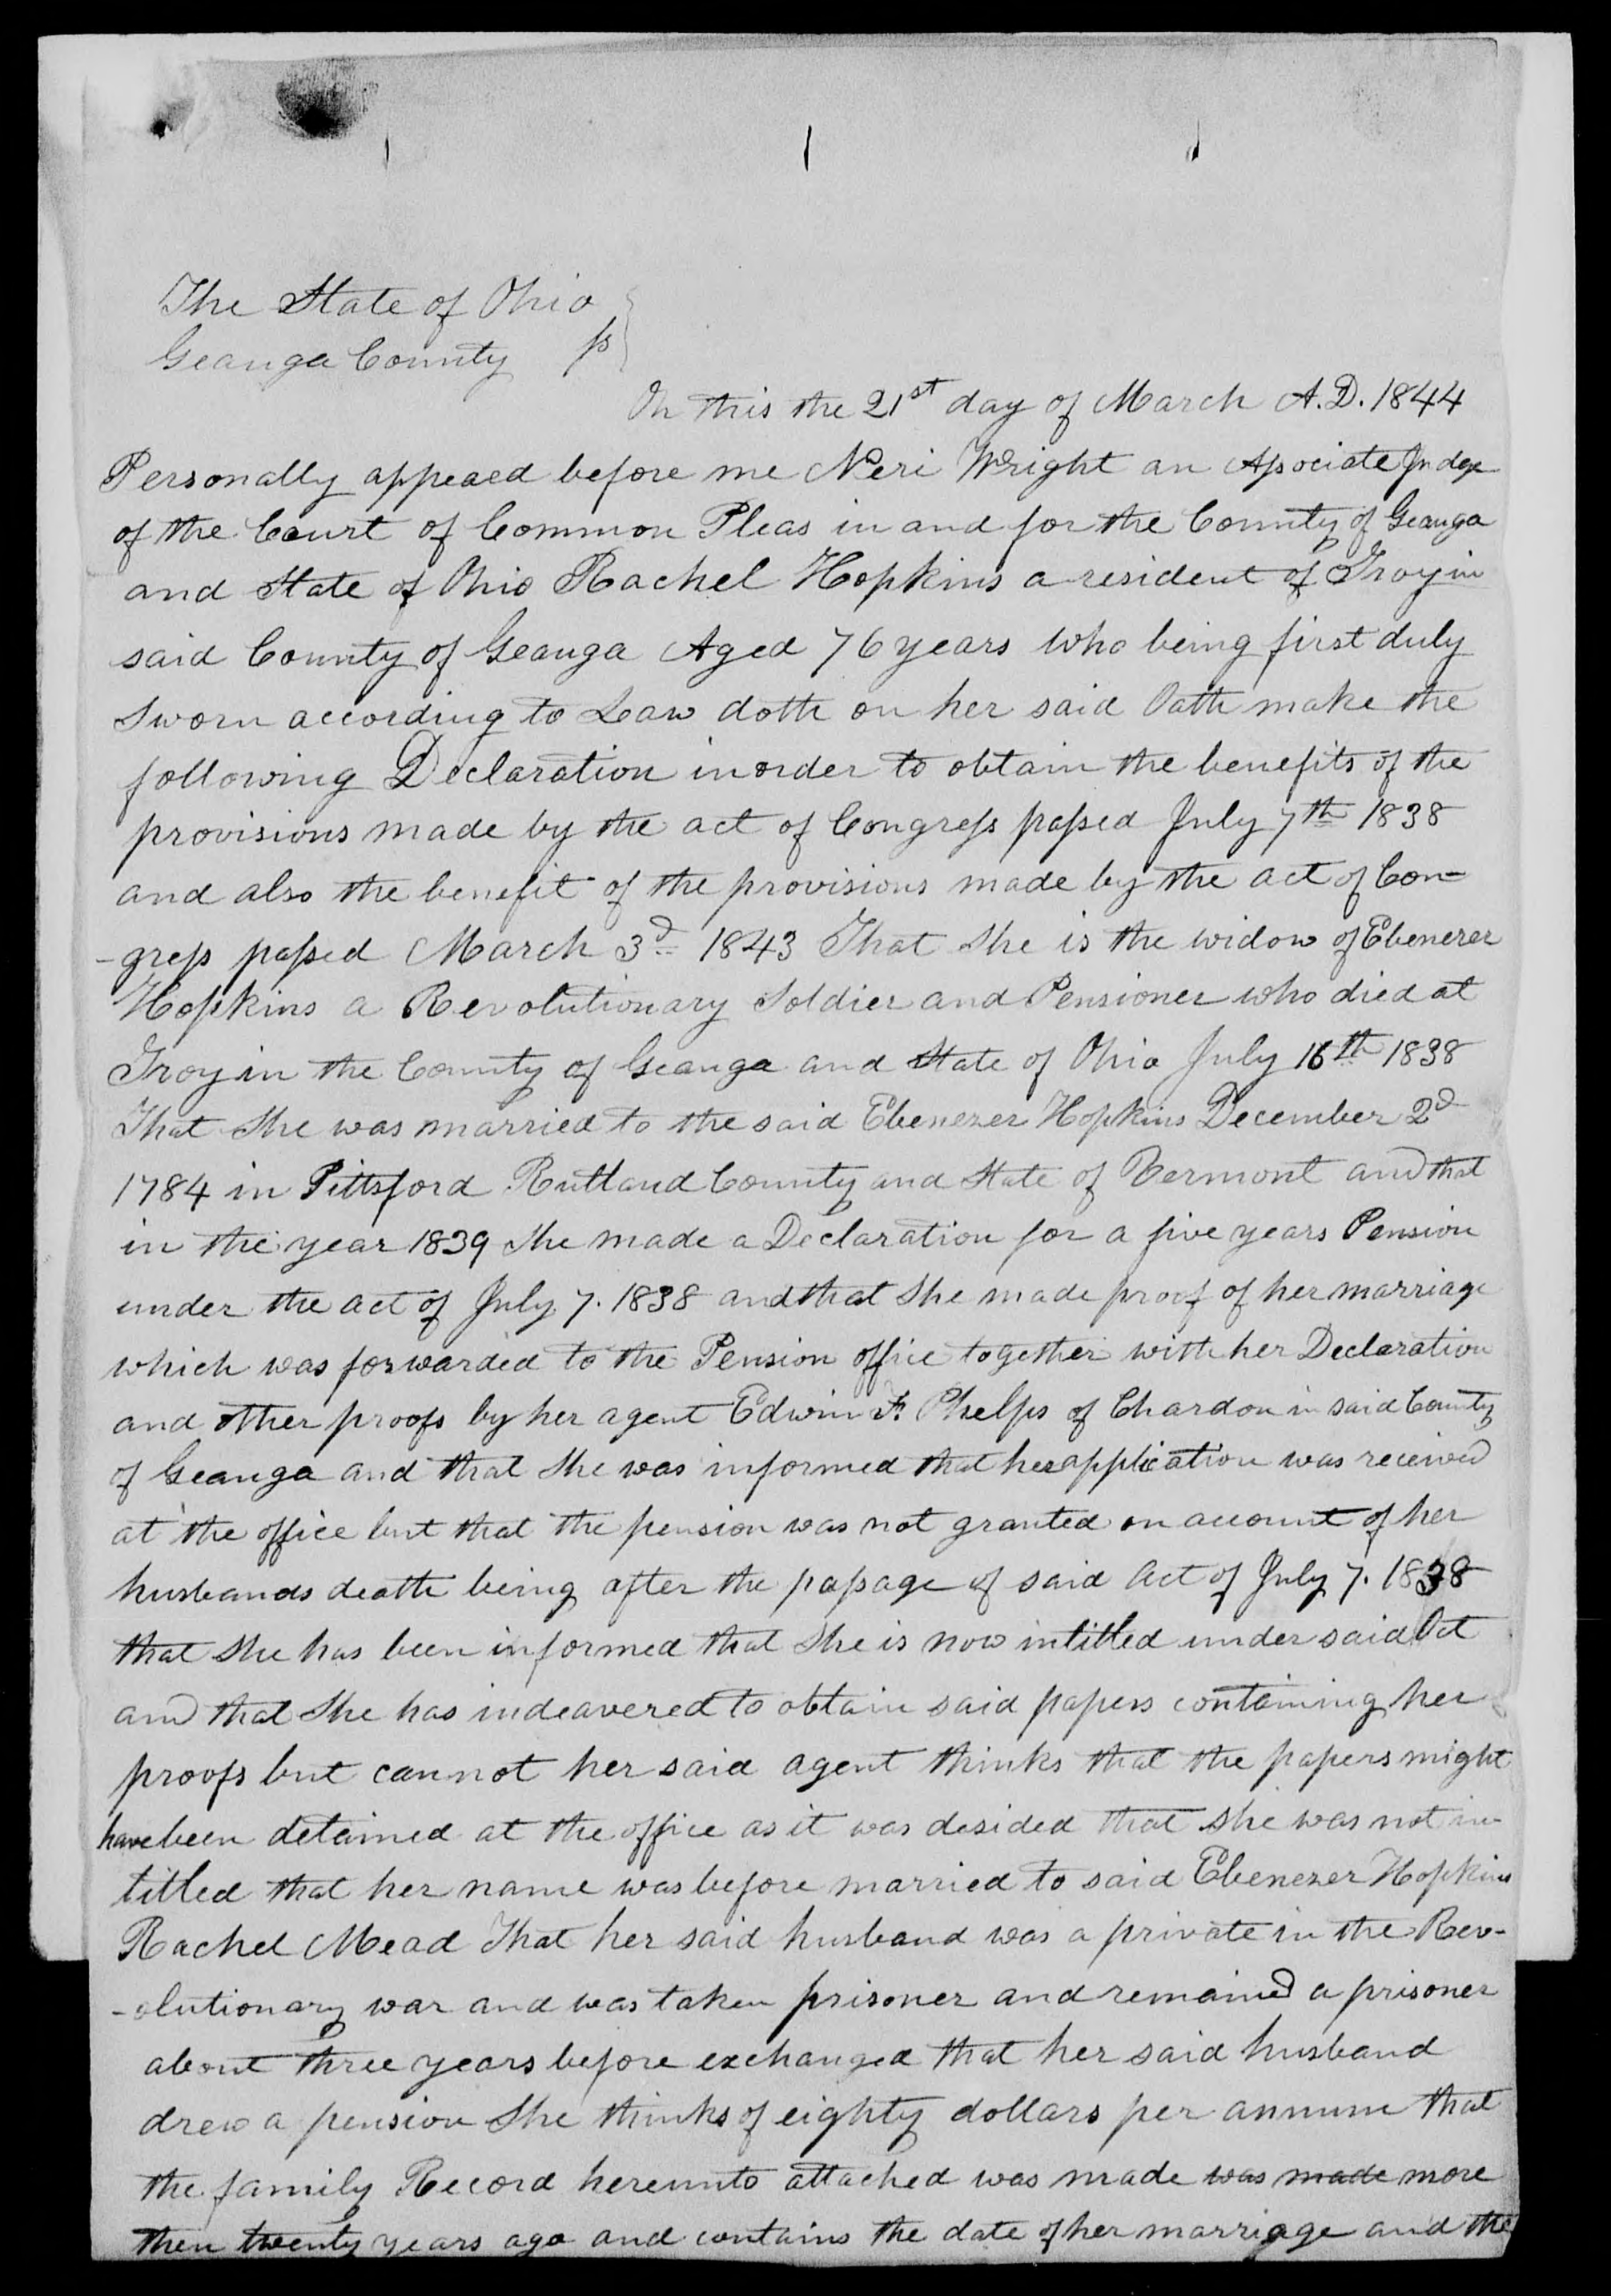The State of Ohio}
Geauga County} ss   On this the 21st day of March A.D. 1844 Personally appeared before me Neri Wright an Associate Judge of the Court of Common Pleas in and for the County of Geauga and State of Ohio Rachel Hopkins a resident of Troy in said County of Geauga Aged 76 years who being first duly
Sworn according to Law doth on her said Oath make the following Declaration in order to obtain the benefits of the provisions made by the act of Congress passed July 7th 1838 and also the benefit of the provisions made by the act of Congress passed March 3d 1843 That she is the widow of Ebenerer [Ebenezer]
Hopkins a Revolutionary Soldier and Pensioner who died at Troy in the County of Geauga and State of Ohio July 16th 1838 That she was married to the said Ebenezer Hopkins December 2d 1784 in Pittsford Rutland County and State of Vermont and that in the year 1839 She made a Declaration for a five years pension under the act of July 7. 1838 and that she made proof of her marriage
which was forwarded to the Pension office together with her Declaration and other proofs by her agent Edwin F. Phelps of Chardon in said County of Geauga and that she was informed that her application was received at the office but that the pension was not granted on account of her husbands death being after the passage of said Act of July 7. 1838 that she has been informed that she is now intitled under said Act and that she has indeavered to obtain said papers containing her proofs but cannot her said agent thinks that the papers might have been detained at the office as it was desided that she was not intitled that her name was before married to said Ebenezer Hopkins Rachel Mead That her said husband was a private in the Revolutionary war and was taken prisoner and remained a prisoner about three years before exchanged that her said husband drew a pension She thinks of eighty dollars per annum that the family Record hereunto attached was made was made [strike through] more then twenty years ago and contains the date of her marriage and the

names: Rachel Mead, Ebenezer Hopkins, Edwin F Phelps, Rachel Hopkins, Neri Wright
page: 119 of 144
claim: rejected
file: R. 5208, Dennis Hopkins, N.C.